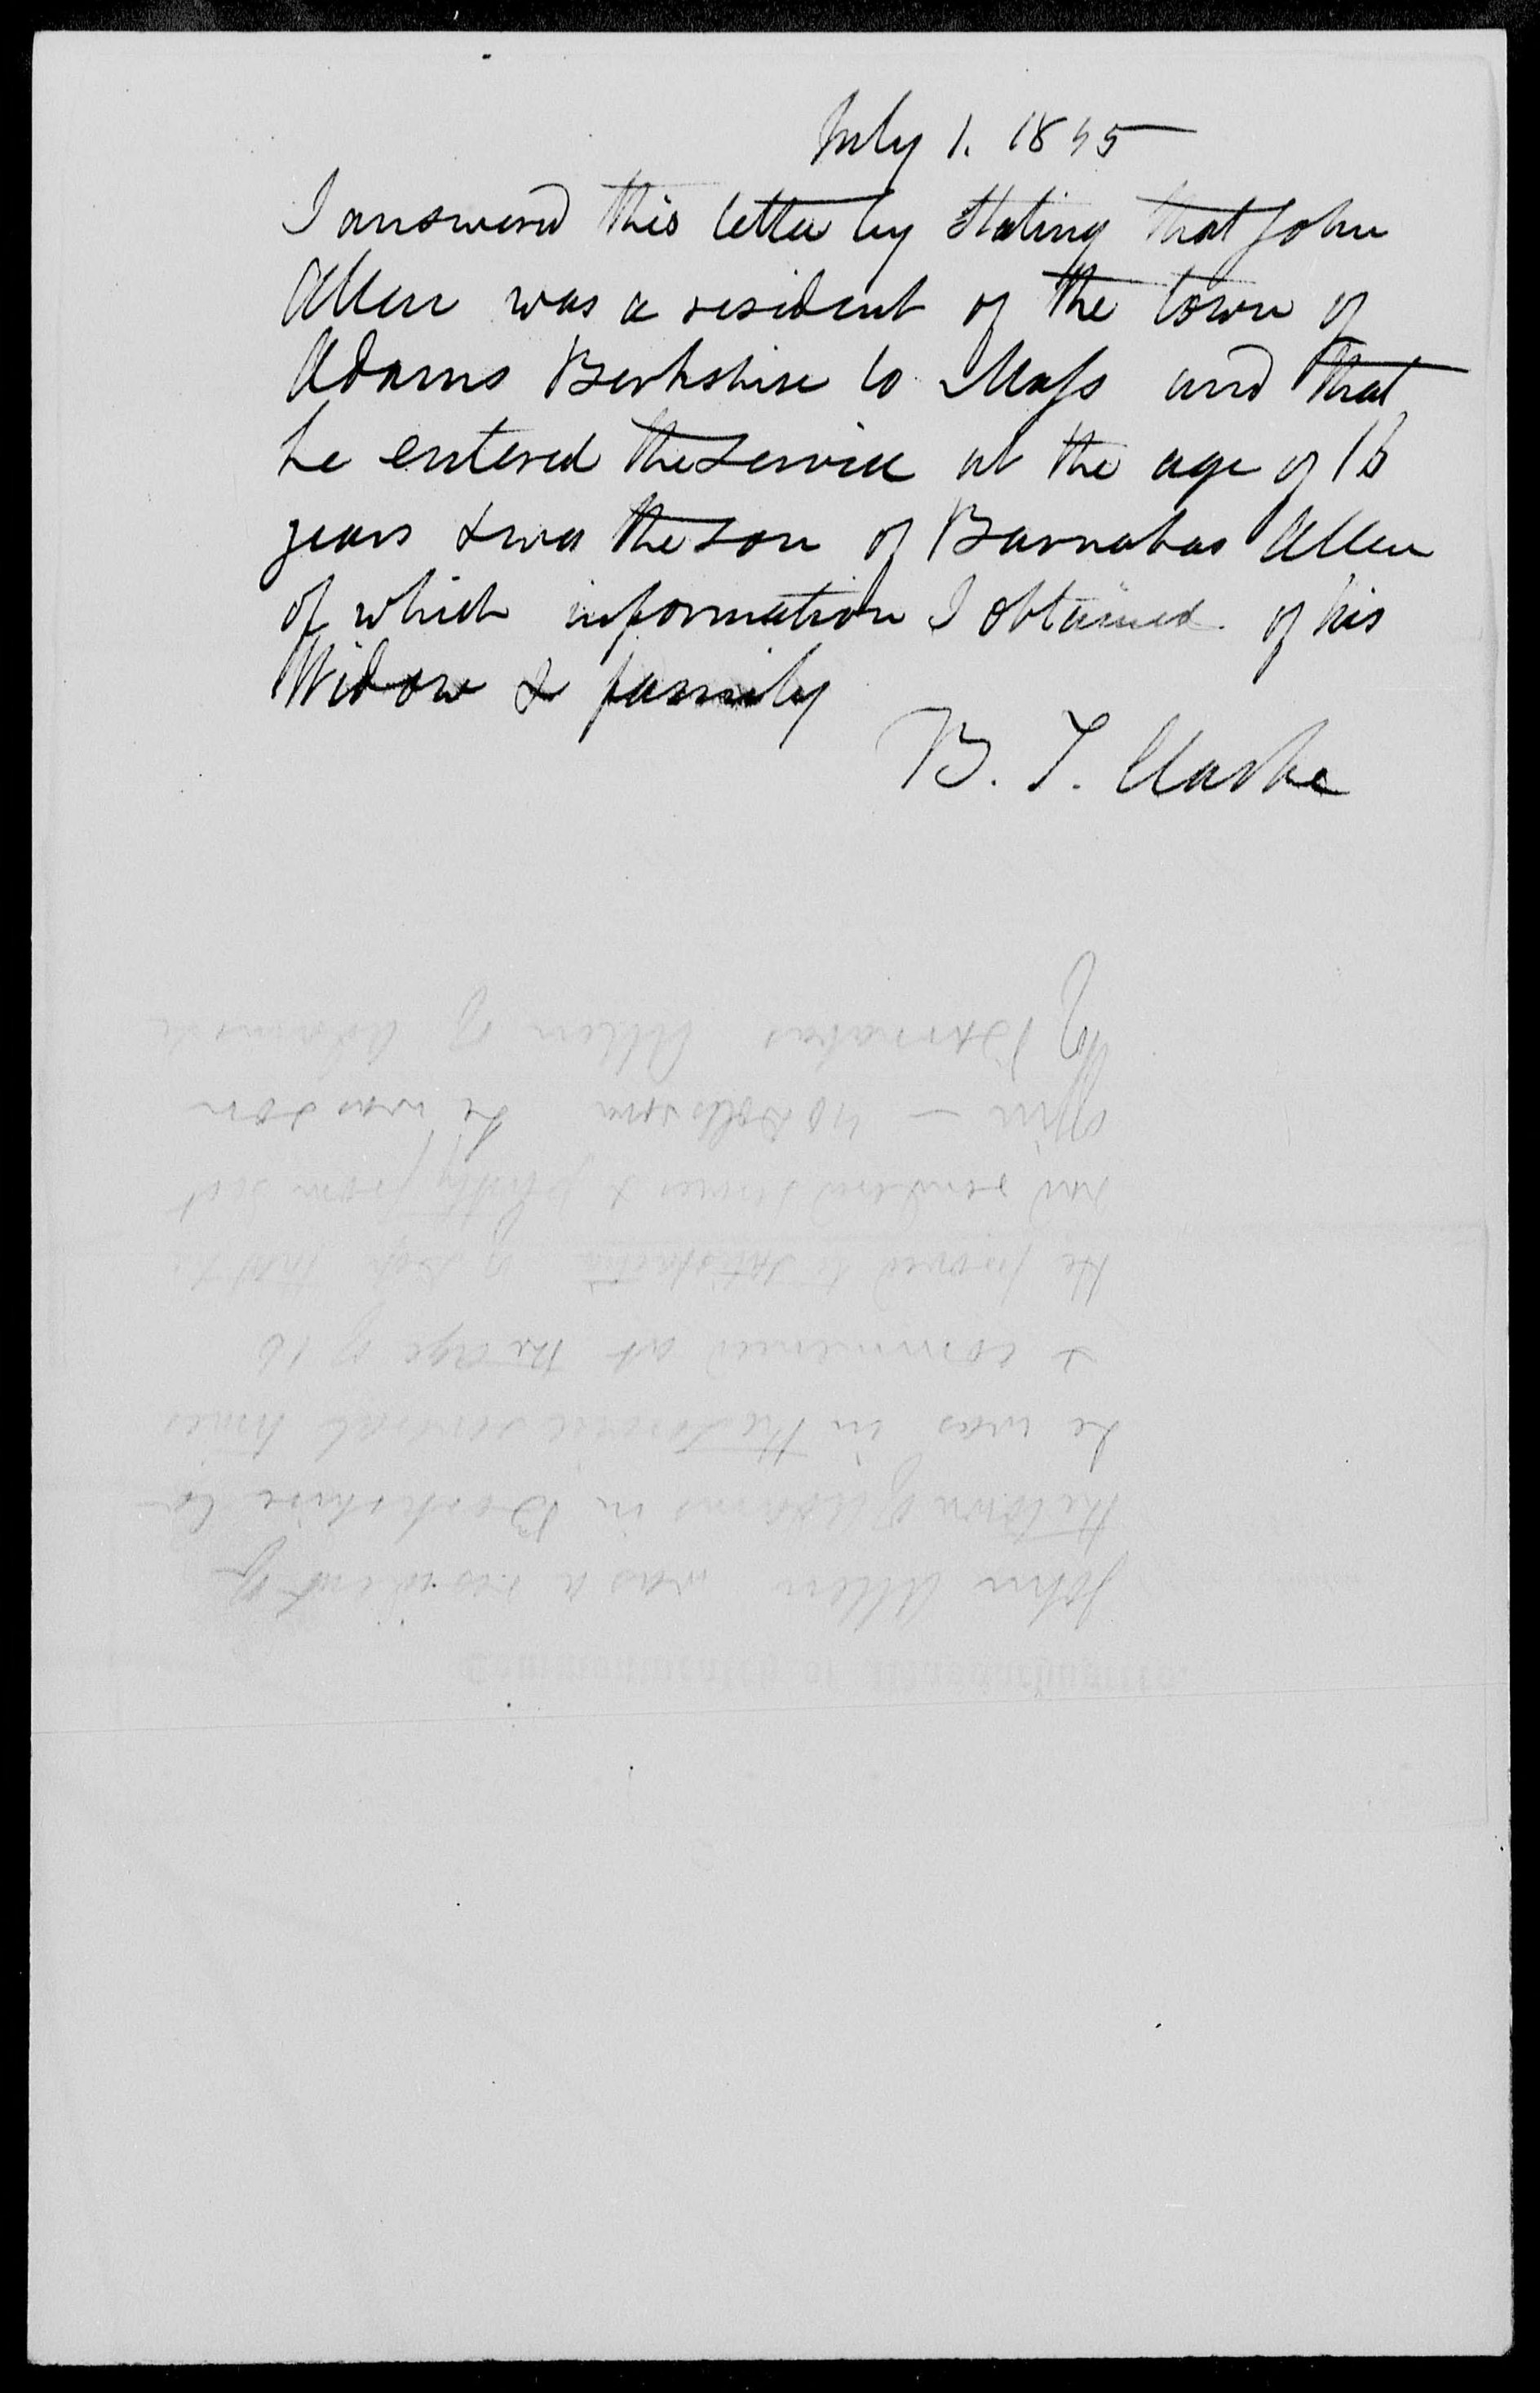[written in the bolder ink]
July 1. 1845 
I answered this letter by stating that John Allen was a resident of the town of Adams Berkshire Co Mass and that he entered the service at the age of 16 years & was the son of Barnabas Allen of which information I obtained of his Widow & family.
B. T. Clarke 

[written upside down in light ink]
John Allen was a resident of the town of Adams in Berkshire Co
He was in the service several times and commenced at the age of 16
He proved to satisfaction of Dept that he had rendered services & partly from 
Sect office – 40 Dolls & over  He was son of Barnabas Allen of Adams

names: Barnabas Allen, John Allen, B T Clarke, John Allen, Barnabas Allen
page: 53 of 74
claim: widow's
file: W. 23424, John Allen, Mass. R. I.